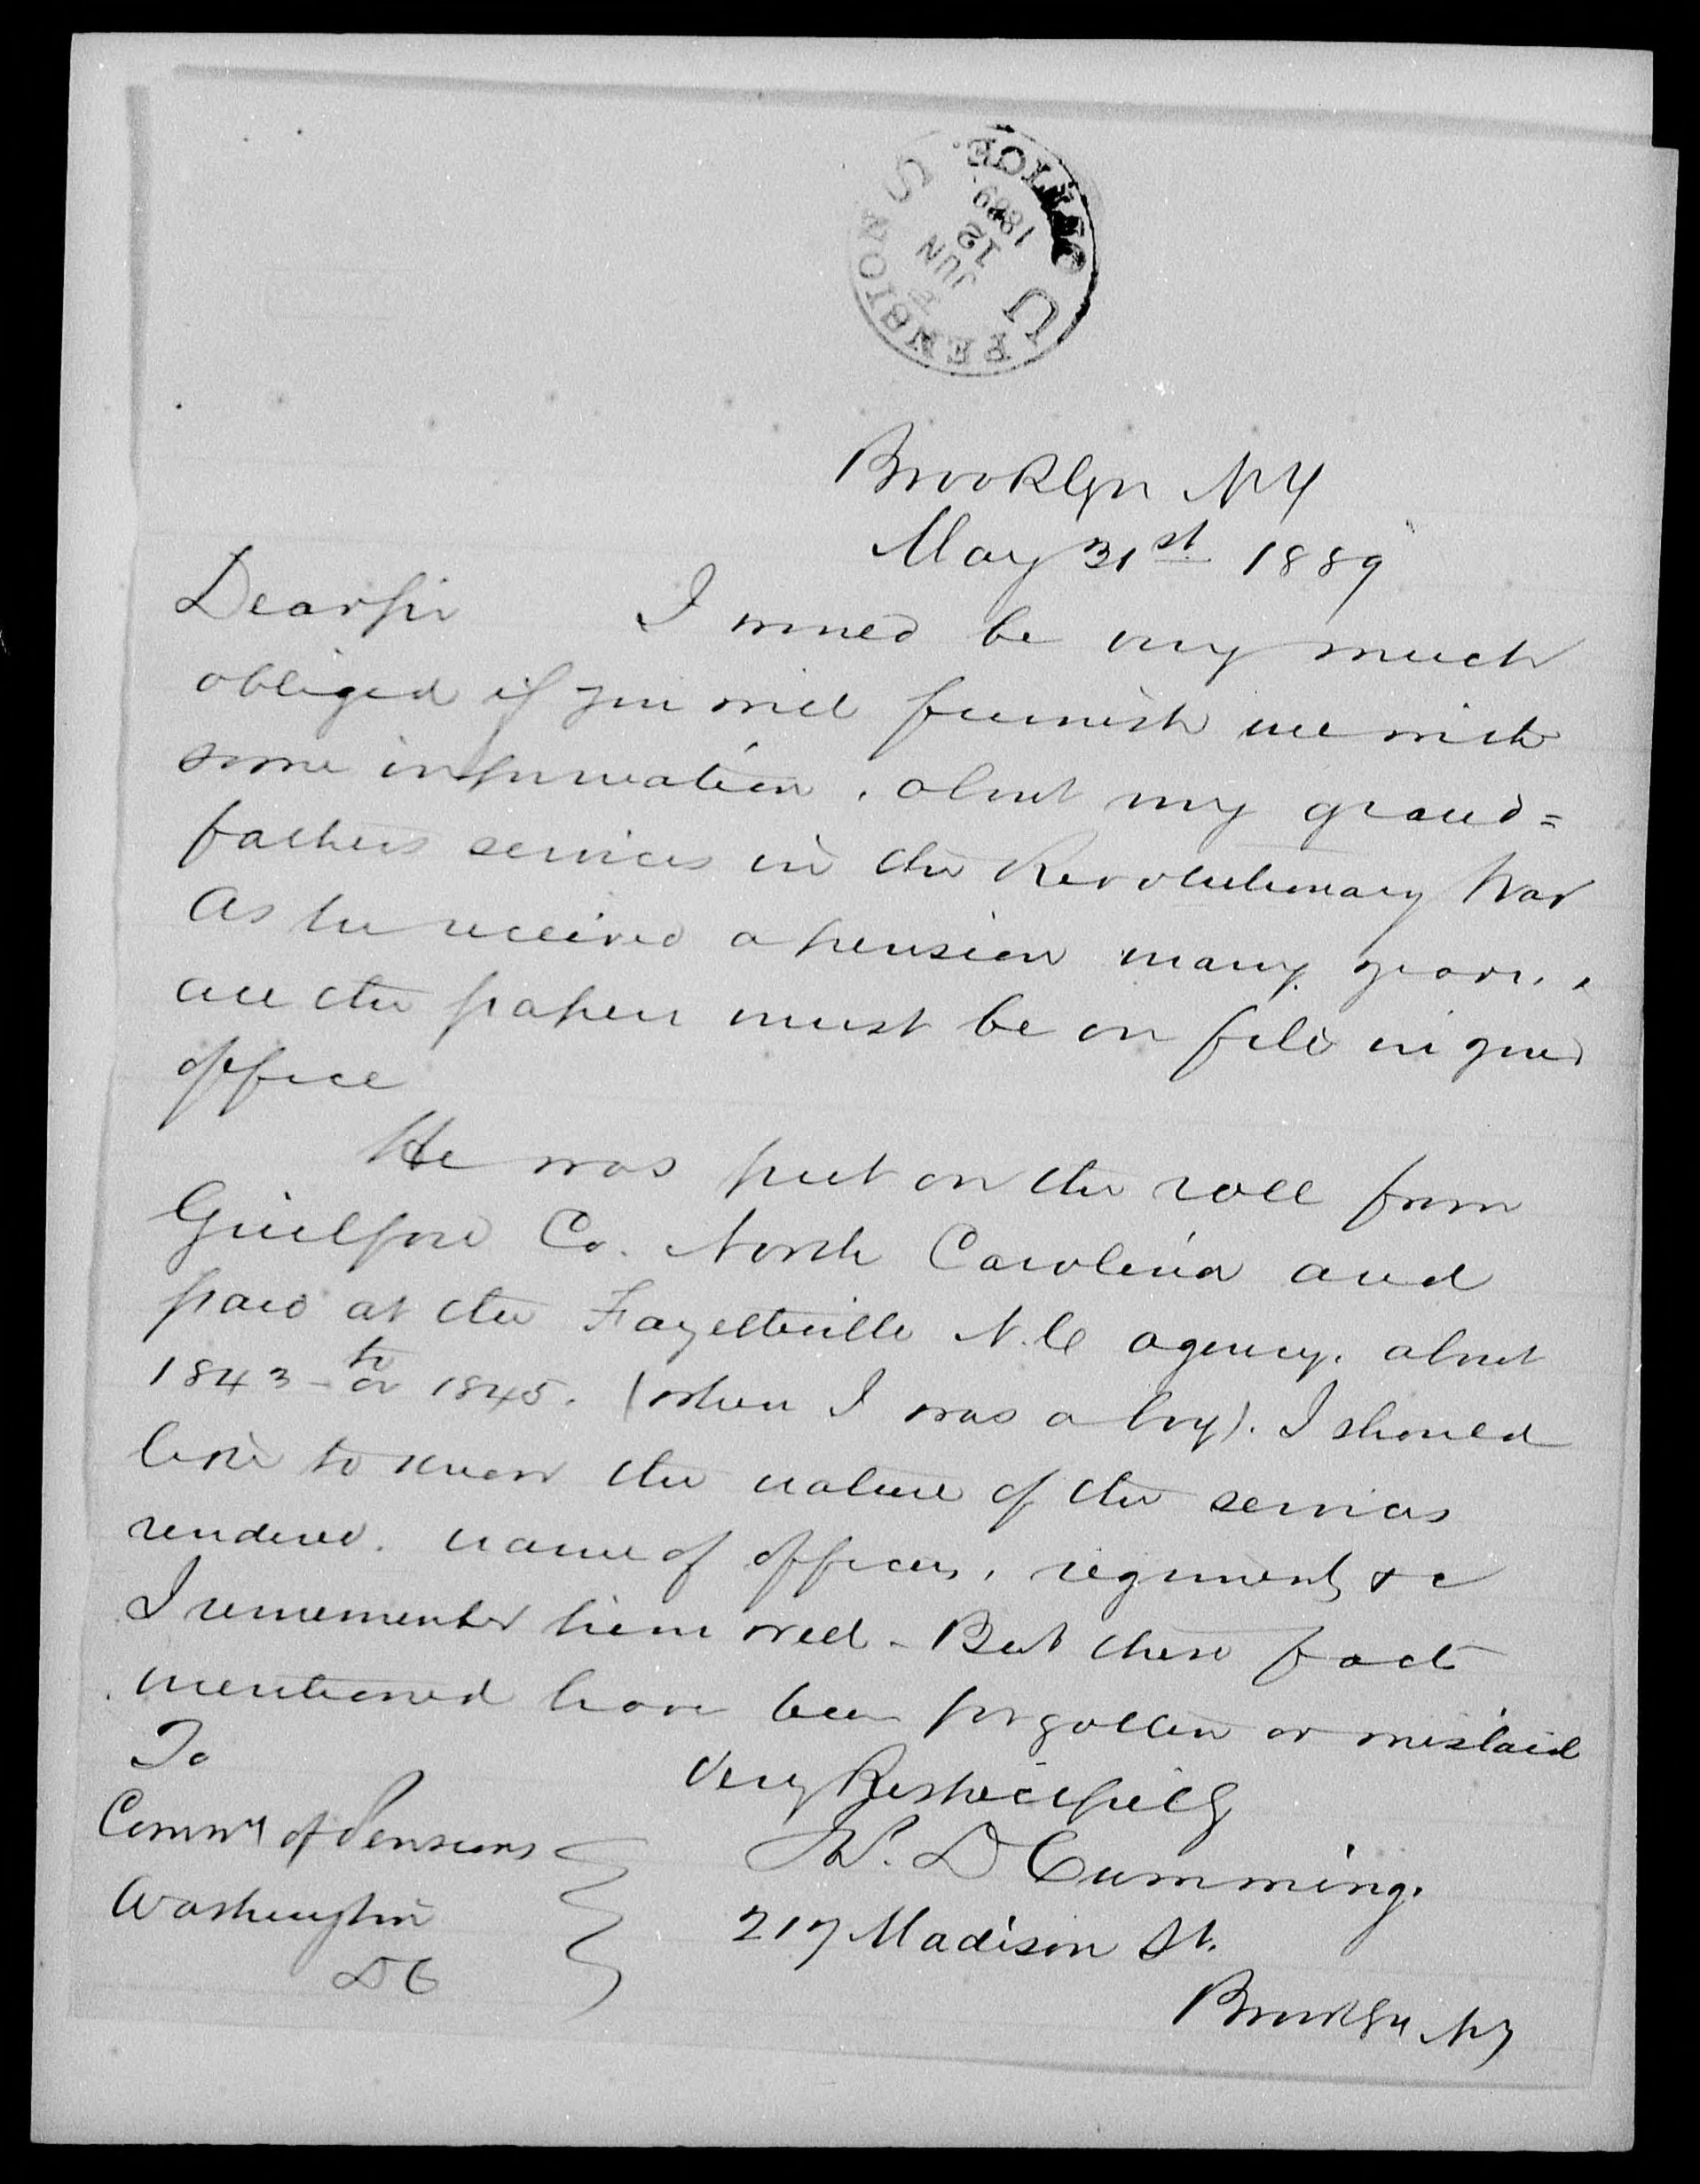[Handwritten letter. Round printed stamp at top middle portion of page, reads:]  US PENSION OFFICE
[?] P
JUN 12 1889

Brooklyn NY
May 31st 1889

Dear Sir
I would be very much obliged if you will furnish me with some information, about my grandfather's services in the Revolutionary War  As he received a pension many years., all the papers must be on file in your office

He was put on the roll from Guilford Co. North Carolina and paid at the Fayetteville N.C. agency. about 1843-^to or1845. (when I was a boy). I should like to know the nature of the services rendered. name of officers, regiment &c [and etcetera] 

I remember him well. But these facts mentioned have been forgotten or mislaid

Very Respectfully
[Here the abbreviated first name is hard to read. It could be:] Jos. [possibly meaning Josiah or Joseph] D Cumming.
217 Madison St.
Brooklyn NY

To
Commr [Commissioner] of Pensions)
Washington DC)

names: Jos D Cummings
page: 134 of 145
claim: survivor's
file: S. 8265, William Cumming, N.C.